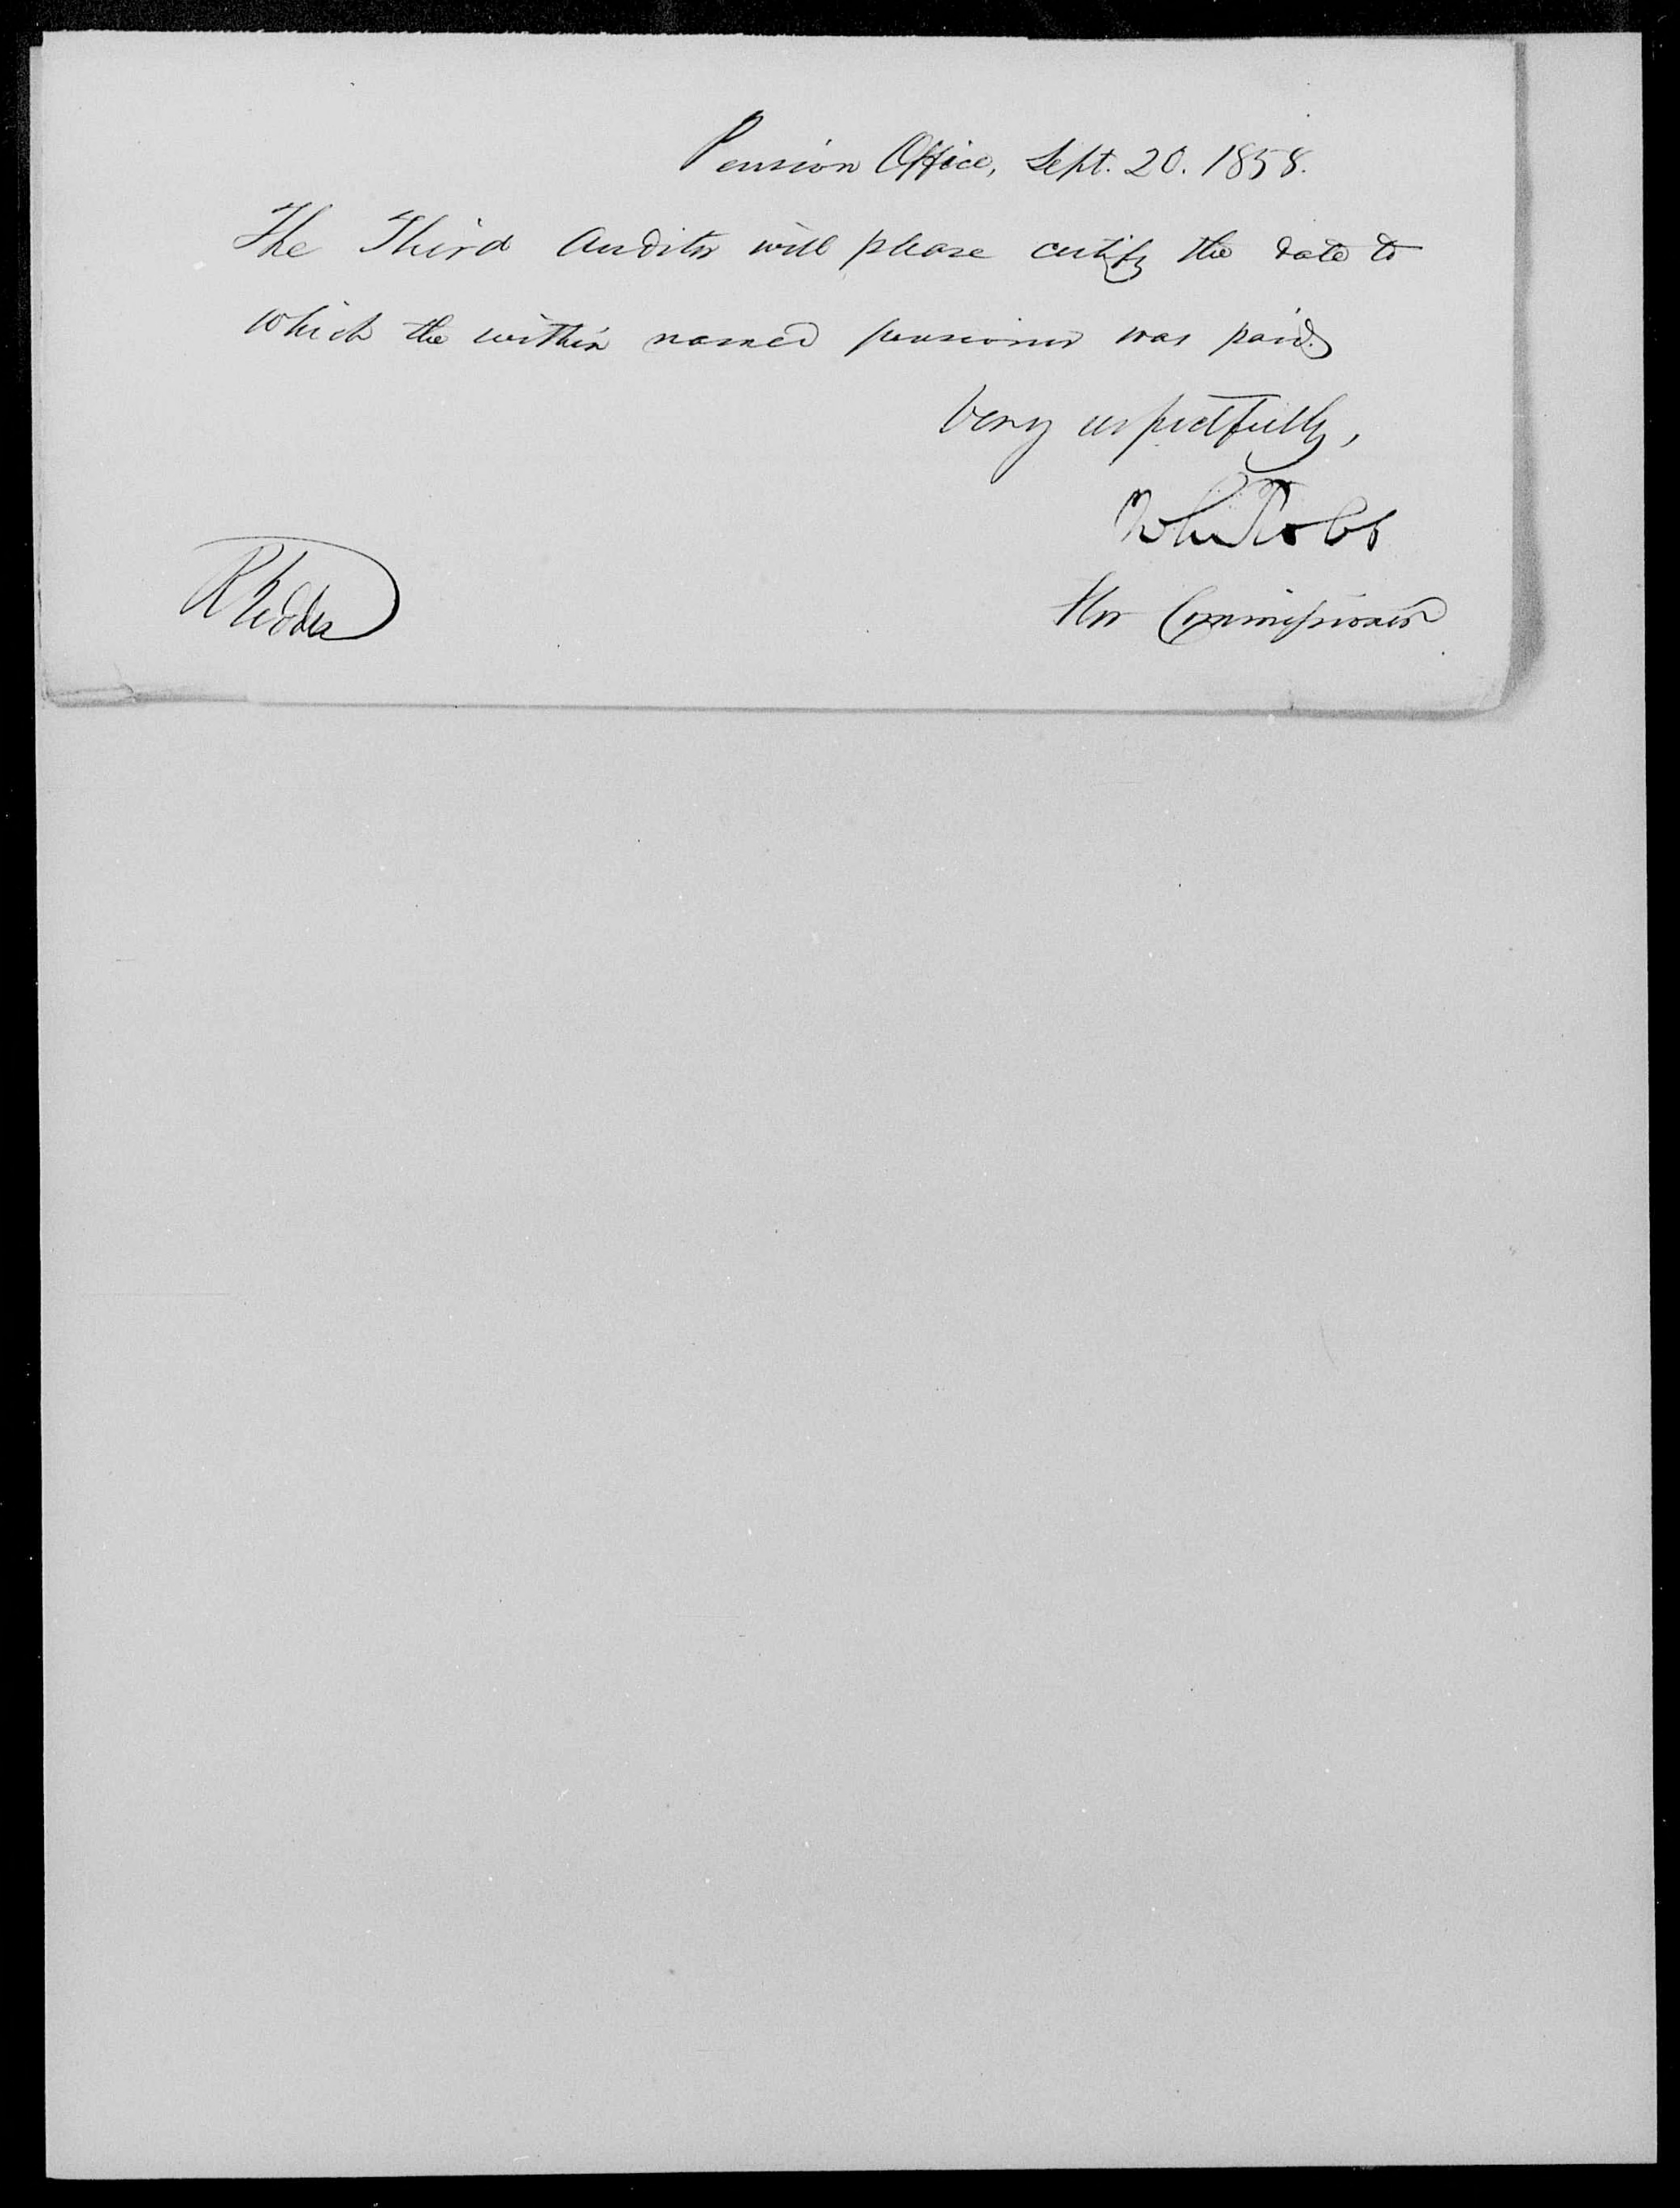Pension Office, Sept. 20, 1858.
The Third Auditor will please certify the date to
which the within named pensioner was paid
                       Very respectfully,
    [signature:] WH Cobb [or maybe John Robb?]
                         Hon Commissioner

[in lower left corner: signature illegible]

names: John Robt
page: 17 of 34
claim: survivor's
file: S. 30608, for Gabrel Mullins, Virginia